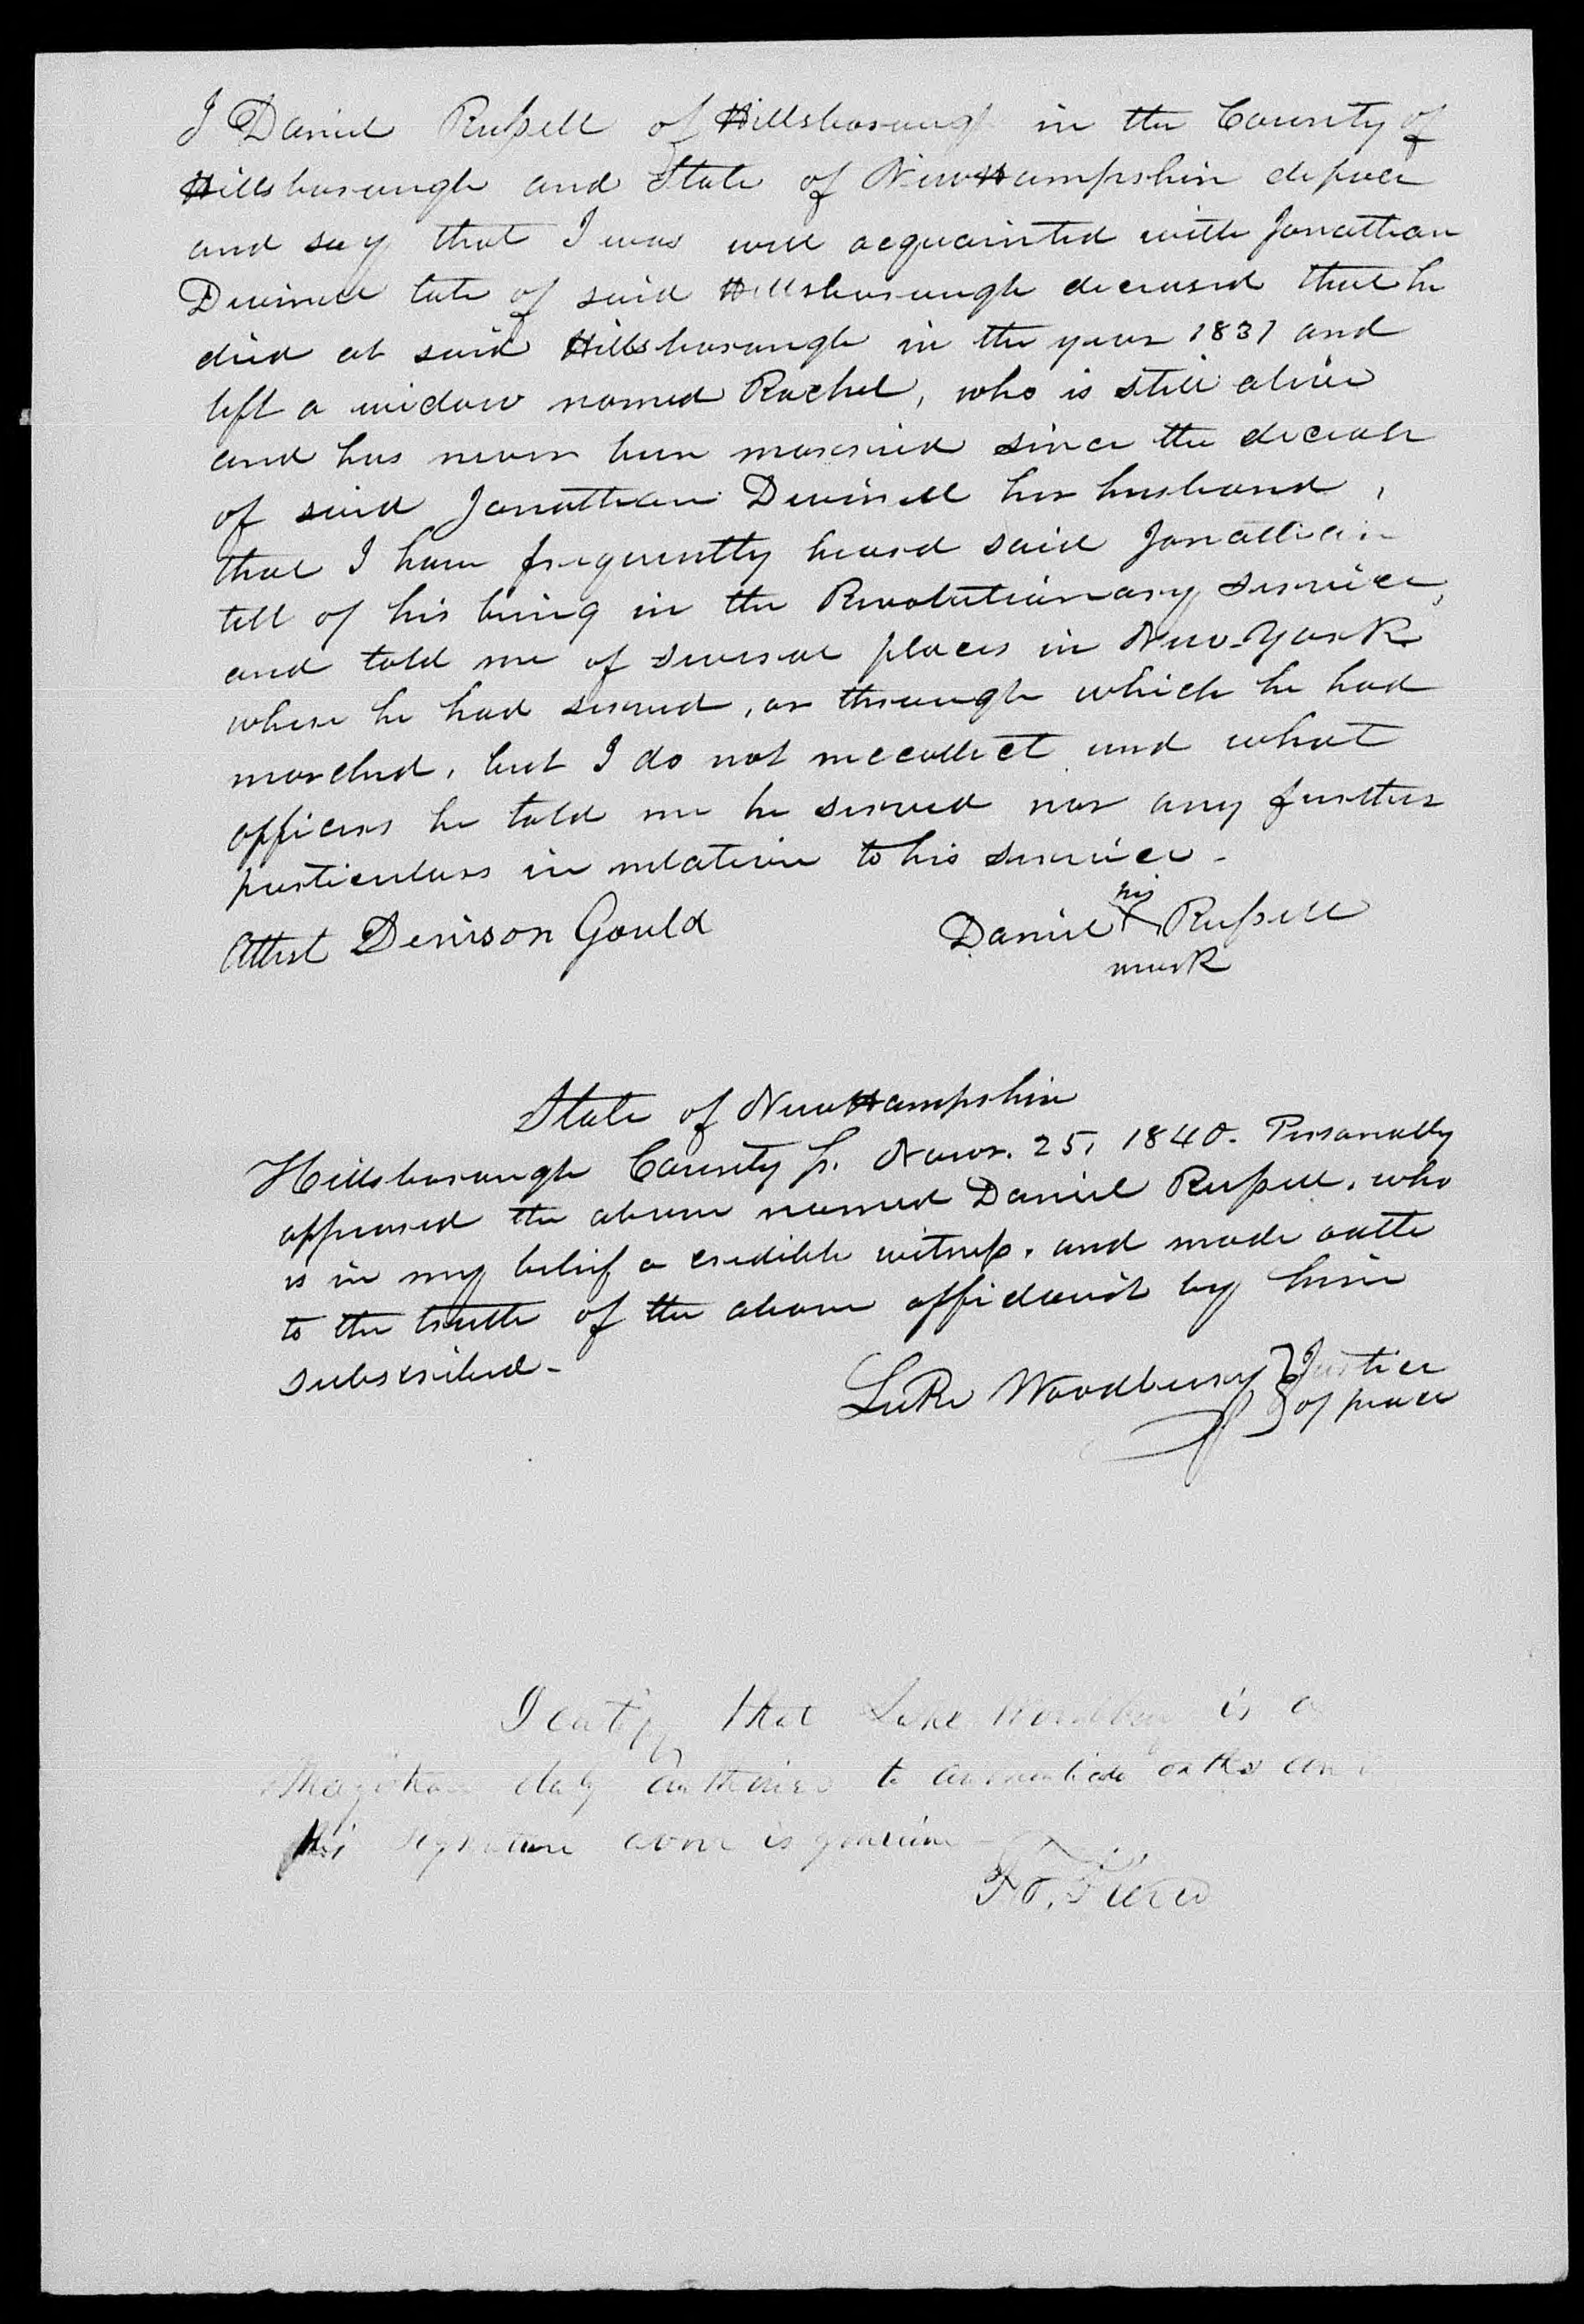I Daniel Russell of Hillsborough in the County of Hillsborough and the State of New Hampshire depose and say that I was well acquainted with Jonathan Dwinell late of said Hillsborough deceased there he died at said Hillsborough in the year 1831 and left a widow named Rachel, who is still alive and has never been married since the decease of said Jonathan Dwinell her husband, that I have frequently heard said Jonathan tell of his being in the Revolutionary service, and told me of several places in New York where he had marched, but I do not recollect and what officers he told me he served nor any further particulars in relation to his service. 
Attest Denison Gould  Daniel his X mark Russell 
State of New Hampshire
Hillsborough County S. [illegible]. 25, 1840.  Personally appeared the above named Daniel Russell, who is in my belief a credible witness, and made oath to the truth of the above affidavit by him subscribed.  Luke Woodbury } Justice of peace
I certify[?] that Luke Woodbury is a Magistrate duly authorized to authenticate oaths
His signature above is [illegible]
[Illegible - Jo. Pierce?]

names: Luke Woodbury, Jonathan Dwinell, Luke Woodbury, Rachel, Daniel Russell, F J Fiered, Jonathan, Jonathan Dwinell, Denison Gould, Daniel Russell, Daniel Russell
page: 18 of 22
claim: widow's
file: W. 22984, John Dwinnell, Mass.